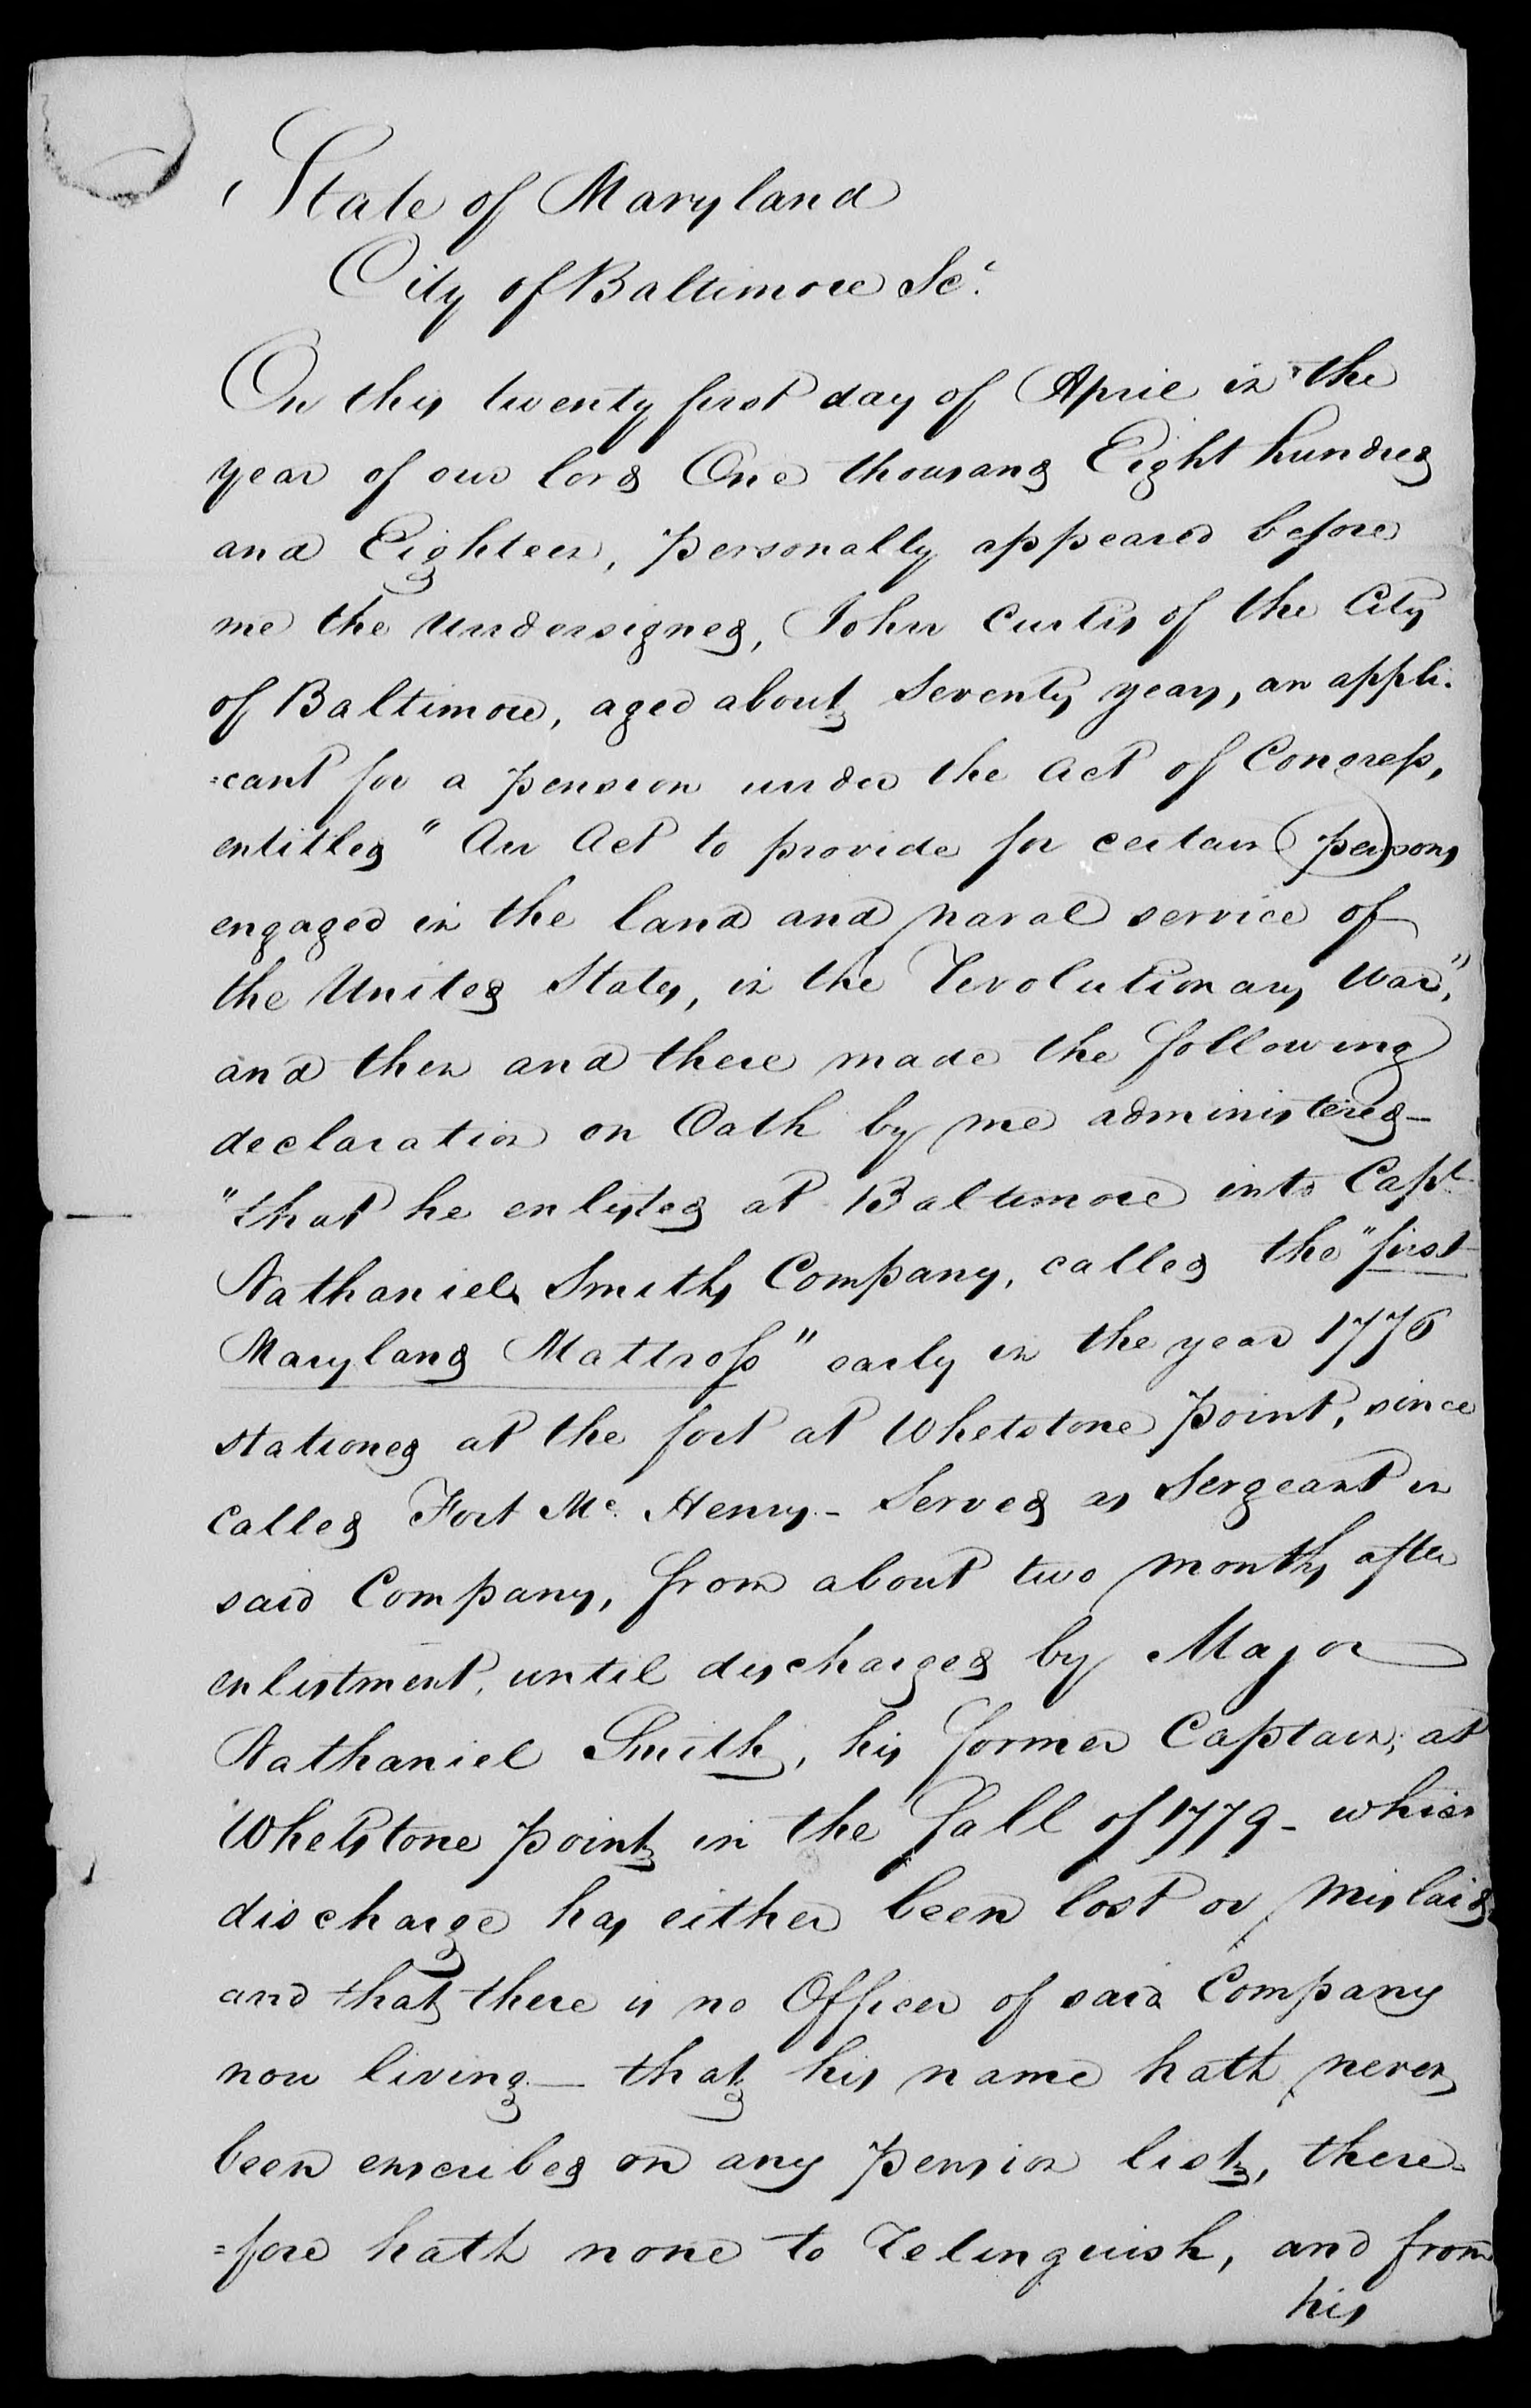State of Maryland
City of Baltimore Sc.
On this twenty first day of April in the year of our lord One thousand Eight hundred and Eighteen, personally appeared before me the undersigned, John Curtis of the City of Baltimore, aged about Seventy years, an applicant for a pension under the act of Congress, entitled "An act to provide for certain persons
engaged in the land and naval service of the United States, in the Revolutionary War," and then and there made the following declaration on Oath by me administered- "that he enlisted at Baltimore into Capt Nathaniel Smiths Company, called the "first Maryland Matross" early in the year 1776 stationed at the fort at Whetstone Point, since called Fort Mc.Henry.-  Served as Sergeant in said Company, from about two months after enlistment until discharged by Major Nathaniel Smith, his former Captain, at Whetstone Point in the Fall of 1779 - which discharge has either been lost or mislaid and that there is no Officer of said Company now living. -- that his name hath never been enscribed on any Pension list, therefore  hath none to Relinquish, and from his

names: John Curtis, Nathaniel Smith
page: 3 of 26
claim: survivor's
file: S. 34,725, John Curtis, Md.